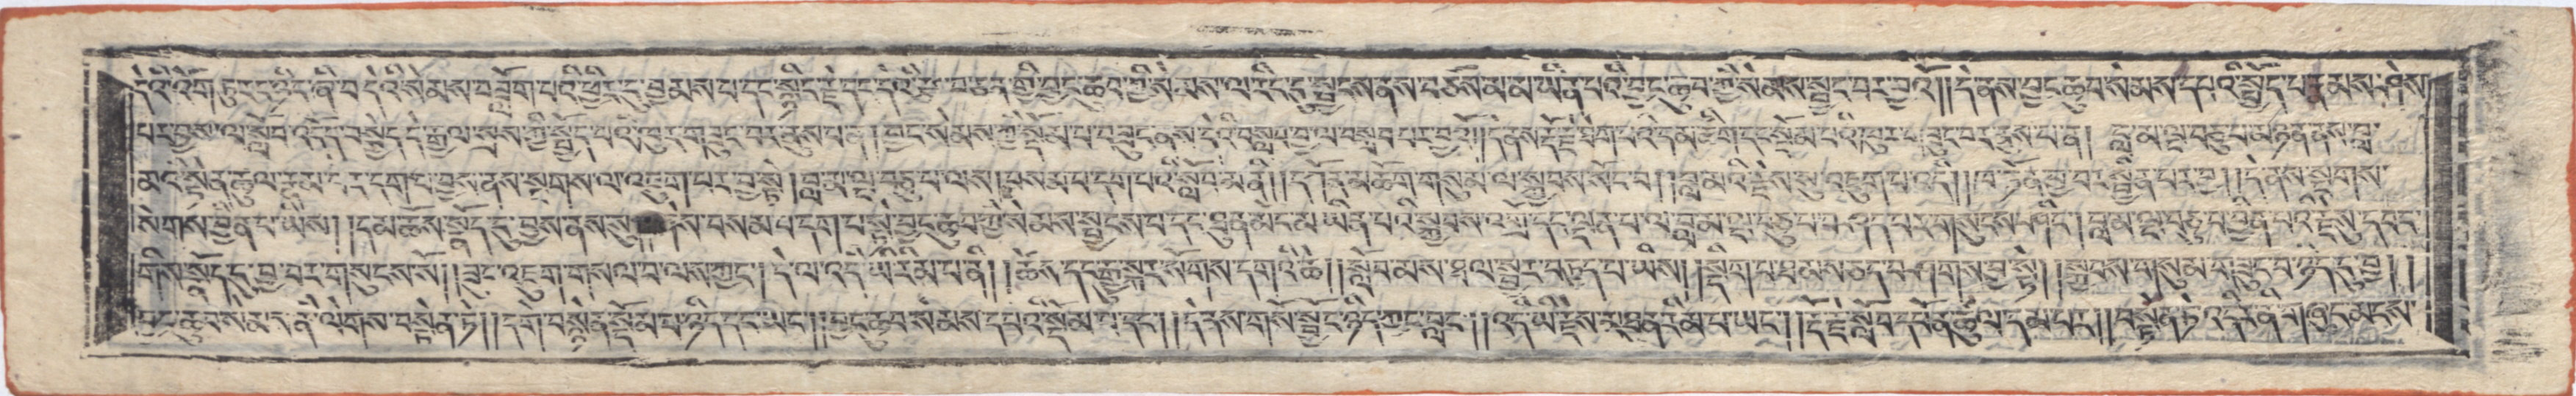དེའི་འོག་ཏུ་རང་ཉིད་ཞི་བདེའི་སེམས་བཟློག་པའི་ཕྱིར་དུ་བྱམས་པ་དང་སྙིང་རྗེ་དང་དེའི་རྩ་བ་ཅན་གྱི་བྱང་ཆུབ་ཀྱི་སེམས་ལ་རིང་དུ་སྦྱངས་ནས་བཅོས་མ་མ་ཡིན་པའི་བྱང་ཆུབ་ཀྱི་སེམས་སྦྱང་བར་བྱའོ། །དེ་ནས་བྱང་ཆུབ་སེམས་དཔའི་སྤྱོད་པ་རྣམས་ཤེས་
པར་བྱས་ལ་སློབ་འདོད་བསྐྱེད་དེ་རྒྱལ་སྲས་ཀྱི་སྤྱོད་པའི་ཁུར་གཟུང་བར་ནུས་པ་ན། བྱང་སེམས་ཀྱི་སྡོམ་པ་བཟུང་ནས་དེའི་བསླབ་བྱ་ལ་བསླབ་པར་བྱའོ། །དེ་ནས་རྡོ་རྗེ་ཐེག་པའི་དམ་ཚིག་དང་སྡོམ་པའི་ཁུར་གཟུང་བར་ནུས་པ་ན། བླ་མ་ལྔ་བཅུ་པ་མཉན་ནས་བླ་
མའི་སྟེན་ཚུལ་རྣམ་པར་དག་པ་བྱས་ནས་སྔགས་ལ་འཇུག་པར་བྱ་སྟེ། བླ་མ་ལྔ་བཅུ་པ་ལས། བསམ་པ་དག་པའི་སློབ་མ་ནི། །དཀོན་མཆོག་གསུམ་ལ་སྐྱབས་སོང་བ། །བླ་མའི་རྗེས་སུ་འཇུག་པ་འདི། །ཁ་ཏོན་བྱ་བར་སྦྱིན་པར་བྱ། །དེ་ནས་སྔགས་
སོགས་བྱིན་པ་ཡིས། །དམ་ཆོས་སྣོད་དུ་བྱས་ནས་སུ། །ཞེས་བསམ་པ་དག་པ་སྟེ་བྱང་ཆུབ་ཀྱི་སེམས་སྦྱངས་པ་དང་ཐུན་མོང་མ་ཡིན་པའི་སྐྱབས་འགྲོ་དང་ལྡན་པ་ལ་བླ་མ་ལྔ་བཅུ་པ་བཤད་པར་གསུངས་ཤིང་། བླ་མ་ལྔ་བཅུ་པ་བྱིན་པའི་རྗེས་སུ་དབང་
གིས་སྣོད་དུ་བྱ་བར་གསུངས་སོ། །ཟུང་འཇུག་གསལ་བ་ལས་ཀྱང་། དེ་ལ་འདི་ཡི་རིམ་པ་ནི། །ཆོས་དང་རྒྱུ་སྐར་སོགས་དགའི་ཆེ། །སློབ་མས་ཐལ་སྦྱར་བཏུད་པ་ཡིས། །སྡིག་པ་ཐམས་ཅད་བཤགས་བྱ་སྟེ། །སྐྱབས་གསུམ་གཟུང་བ་ཉིད་དུ་བྱ། །
བྱང་ཆུབ་སེམས་ནི་ལེགས་བསྟེན་ཏེ། །དགེ་བསྙེན་སྡོམ་པ་ཉིད་དང་ཡང་། །བྱང་ཆུབ་སེམས་དཔའི་སྡོམ་པ་དང་། །དེ་ནས་གསོ་སྦྱོང་ཉིད་ཀྱང་བླང་། །འདི་ཡི་རྗེས་མཐུན་རིམ་པ་ཡང་། །རྡོ་རྗེ་སློབ་དཔོན་ཚུལ་དམ་པར། །བསྟེན་ཏེ་འདིར་ནི་གཞུང་མངས་